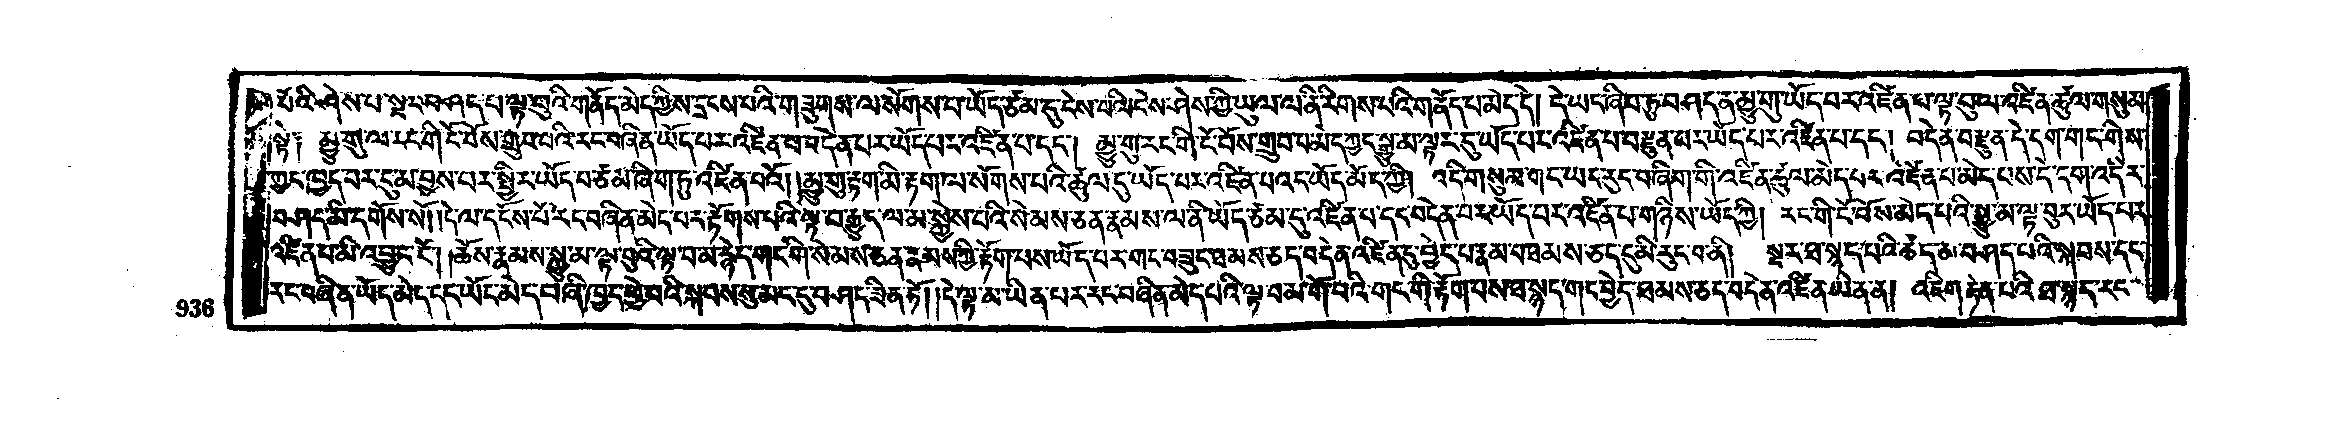པོའི་ཤེས་པ་སྔར་བཤད་པ་ལྟ་བུའི་གནོད་མེད་ཀྱིས་དྲངས་པའི་གཟུགས་ལ་སོགས་པ་ཡོད་ཙམ་དུ་ངེས་པའི་ངེས་ཤེས་ཀྱི་ཡུལ་ལ་ནི་རིགས་པའི་གནོད་པ་མེད་དེ། དེ་ཡང་ཞིབ་ཏུ་བཤད་ན་མྱུ་གུ་ཡོད་པར་འཛིན་པ་ལྟ་བུ་ལ་འཛིན་ཚུལ་གསུམ་
སྟེ༑ མྱུ་གུ་ལ་རང་གི་ངོ་བོས་གྲུབ་པའི་རང་བཞིན་ཡོད་པར་འཛིན་པ་བདེན་པར་ཡོད་པར་འཛིན་པ་དང་། མྱུ་གུ་རང་གི་ངོ་བོས་གྲུབ་པ་མེད་ཀྱང་སྒྱུ་མ་ལྟར་དུ་ཡོད་པར་འཛིན་པ་བརྫུན་པར་ཡོད་པར་འཛིན་པ་དང་། བདེན་བརྫུན་དེ་དག་གང་གིས་
ཀྱང་ཁྱད་པར་དུ་མ་བྱས་པར་སྤྱིར་ཡོད་པ་ཙམ་ཞིག་ཏུ་འཛིན་པའོ། །མྱུ་གུ་རྟག་མི་རྟག་ལ་སོགས་པའི་ཚུལ་དུ་ཡོད་པར་འཛིན་པའང་ཡོད་མོད་ཀྱི། འདི་གསུམ་གང་ཡང་རུང་བ་ཞིག་གི་འཛིན་ཚུལ་མེད་པར་འཛིན་པ་མེད་པས་དེ་དག་འདིར་
བཤད་མི་དགོས་སོ། །དེ་ལ་དངོས་པོ་རང་བཞིན་མེད་པར་རྟོགས་པའི་ལྟ་བ་རྒྱུད་ལ་མ་སྐྱེས་པའི་སེམས་ཅན་རྣམས་ལ་ནི་ཡོད་ཙམ་དུ་འཛིན་པ་དང་བདེན་པར་ཡོད་པར་འཛིན་པ་གཉིས་ཡོད་ཀྱི། རང་གི་ངོ་བོས་མེད་པའི་སྒྱུ་མ་ལྟ་བུར་ཡོད་པར་
འཛིན་པ་མི་འབྱུང་ངོ། །ཆོས་རྣམས་སྒྱུ་མ་ལྟ་བུའི་ལྟ་བ་མ་རྙེད་གོང་གི་སེམས་ཅན་རྣམས་ཀྱི་རྟོག་པས་ཡོད་པར་གང་བཟུང་ཐམས་ཅད་བདེན་འཛིན་དུ་བྱེད་པ་རྣམས་ཐམས་ཅད་དུ་མི་རུང་བ་ནི། སྔར་ཐ་སྙད་པའི་ཚད་མ་བཤད་པའི་སྐབས་དང་
རང་བཞིན་ཡོད་མེད་དང་ཡོད་མེད་བཞི་ཁྱད་ཕྱེ་བའི་སྐབས་སུ་མང་དུ་བཤད་ཟིན་ཏོ། །དེ་ལྟ་མ་ཡིན་པར་རང་བཞིན་མེད་པའི་ལྟ་བ་མ་གོ་བའི་གོང་གི་རྟོག་པས་ཐ་སྙད་གང་བྱེད་ཐམས་ཅད་བདེན་འཛིན་ཡིན་ན། འཇིག་རྟེན་པའི་ཐ་སྙད་རང་